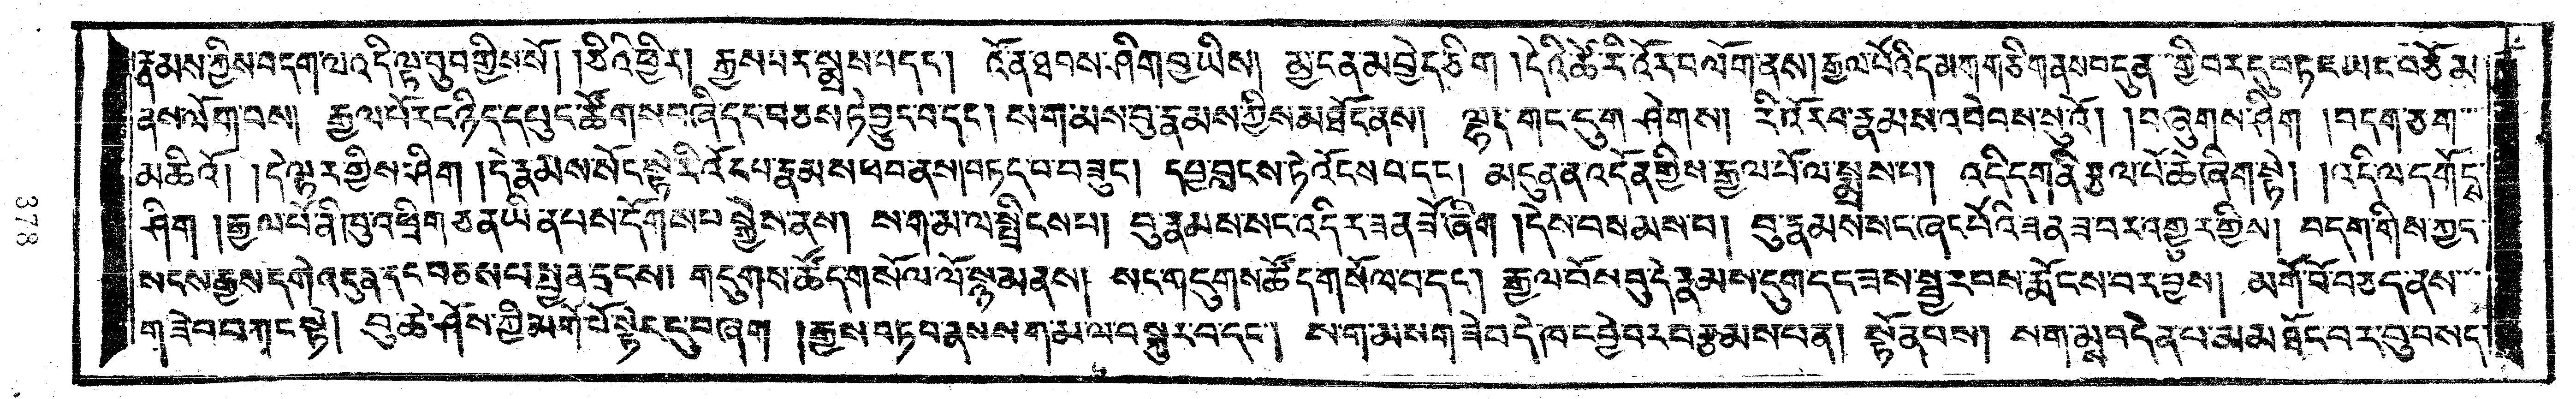རྣམས་ཀྱིས་བདག་ལ་འདི་ལྟ་བུ་བགྱིས་སོ། །ཅིའི་ཕྱིར། རྒྱས་པར་སྨྲས་པ་དང་། འོ་ན་ཐབས་ཤིག་བྱ་ཡིས། མྱ་ངན་མ་བྱེད་ཅིག །དེའི་ཚེ་རི་འོར་བ་ལོག་ནས། རྒྱལ་པོའི་དམག་གཅིག་ནས་བདུན་གྱི་བར་དུ་བཏང་ཡང་བཅོམ་
ནས་ལོག་བས། རྒྱལ་པོ་རང་ཉིད་དཔུང་ཚོགས་བཞི་དང་བཅས་ཏེ་བྱུང་བ་དང་། ས་ག་མས་བུ་རྣམས་ཀྱིས་མཐོང་ནས། ལྷ༑ གང་དུ་གཤེགས། རིའོ་རབ་རྣམས་འབེབས་སུ་འོ། །བཞུགས་ཤིག །བདག་ཅག་
མཆིའོ། །དེ་ལྟར་གྱིས་ཤིག །དེ་རྣམས་སོང་སྟེ་རི་འོང་པ་རྣམས་ཕབ་ནས། བཏད་པ་བཟུང་། དབྱ་བླངས་ཏེ་འོངས་པ་དང་། མདུན་ན་འདོན་གྱིས་རྒྱལ་པོ་ལ་སྨྲས་པ། འདི་དག་ནི་རྩལ་པོ་ཆེ་ཞིག་སྟེ། །འདི་ལ་དགོངས་
ཤིག །རྒྱལ་པོ་ནི་ཁུ་འཕྲིག་ཅན་ཡིན་པས་དོགས་པ་སྐྱེས་ནས། ས་ག་མ་ལ་སྤྲིངས་པ། བུ་རྣམས་སང་འདིར་ཟན་ཟོ་ཞིག །དེས་བསམས་བ། བུ་རྣམས་སང་ཞང་པོའི་ཟན་ཟ་བར་འགྱུར་གྱིས། བདག་གིས་ཀྱང་
སངས་རྒྱས་དགེ་འདུན་དང་བཅས་པ་སྤྱན་དྲངས། གདུགས་ཚོད་གསོལ་ལོ་སྙམ་ནས། སང་གདུགས་ཚོད་གསོལ་བ་དང་། རྒྱལ་བོས་བུ་དེ་རྣམས་དུག་དང་ཟས་སྦྱ་རབས་རྨོངས་བར་བྱས། མགོ་བོ་བཅད་ནས་
གཟེབ་བཀང་སྟེ། བུ་ཆེ་ཤོས་ཀྱི་མགོ་བོ་སྟེང་དུ་བཞག །རྒྱས་བཏབ་ནས་ས་ག་མ་ལ་བསྐུར་བ་དང་། ས་ག་མས་གཟེབ་དེ་ཁ་དབྱེ་བར་བརྩམས་པ་ན། སྟོན་པས། སག་མས་བདེན་པ་མ་མཐོང་བར་བུ་བསད་